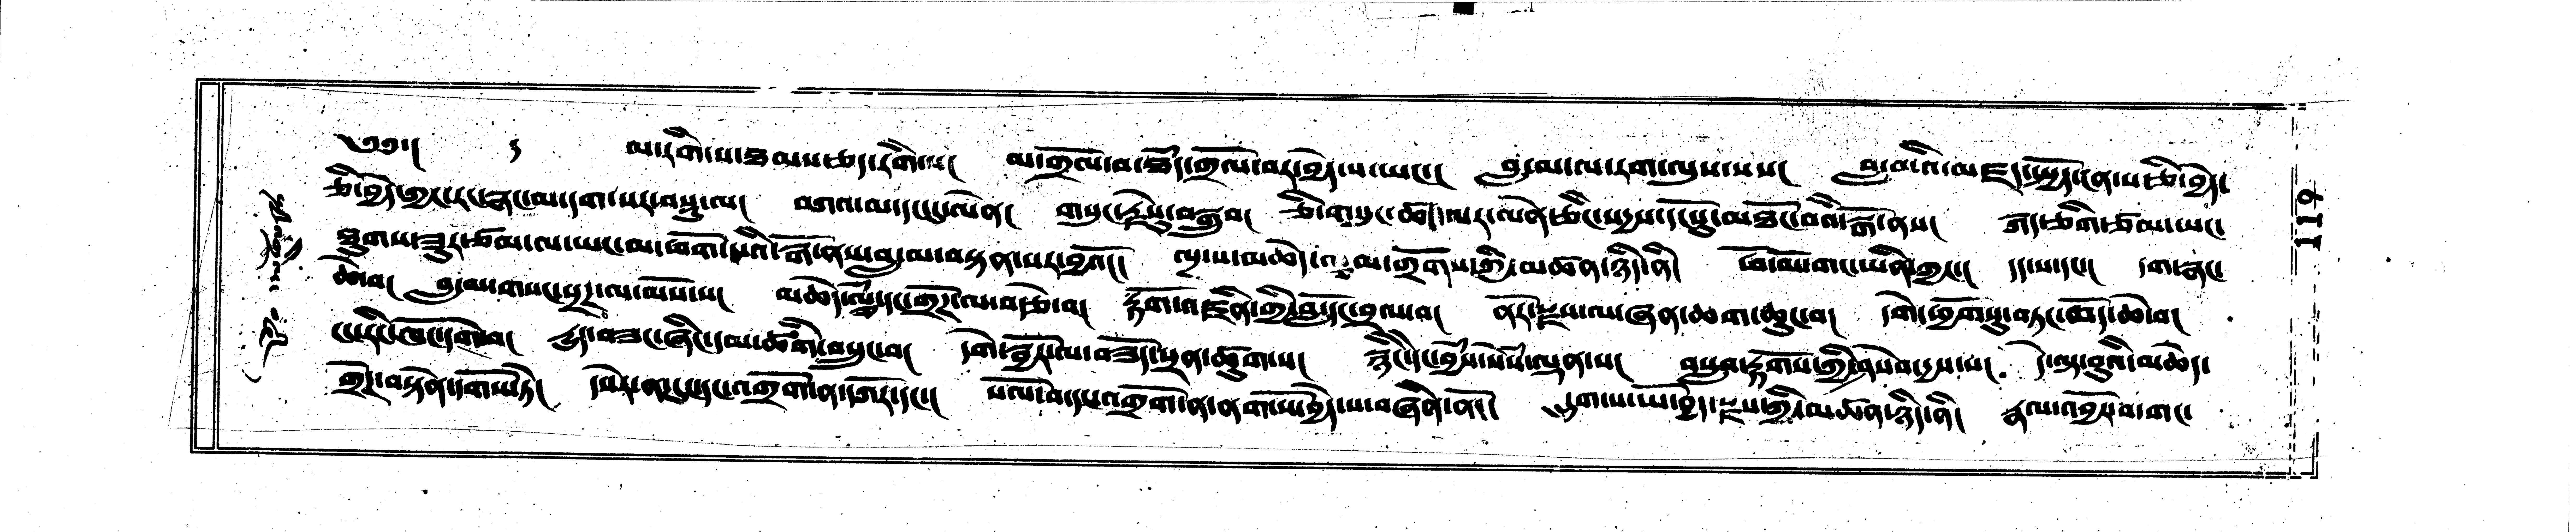མ་རིག་པ་ཐམས་ཅད་རིག་པ། མ་གྲོལ་བ་ཐམས་ཅད་གྲོལ་བར་བྱེད་པ་ཡང་། བླ་མ་ལ་རག་ལུས་པས། བླ་མའི་མཛད་སྤྱོད་པ་ངན་པ་ཅི་བྱེད་
ཀྱང་རང་སྣང་མ་དག་པར་བསྡུ་ལ། བཀའ་ལ་དང་དུ་ལེན། གསུང་རྗེས་སུ་བསྒྲུབ། ཅི་གསུང་ཚད་མར་ལེན་ཅིང་སངས་རྒྱས་དངོས་སུ་མཐོང་བའི་སྒོ་ནས། སྐད་ཅིག་ཙམ་ཡང་།
 ཐུགས་ཙམ་ལ་ཡང་མ་ཕོག་པའི་སྒོ་ནས་བླ་མ་བསྟེན་པར་བྱའོ། །ལྔ་པ་མཆེད་ལྕམ་གྲོགས་ཀྱི་མཚན་ཉིད་ནི། ཕོ་མོ་གང་ཡིན་ཀྱང་དད་པ་དང་། དག་སྣང་
ཆེ་བ། བླ་མ་གསང་སྔགས་ལ་མོས་པ། མཆེད་ལྕམ་དང་གྲོགས་ལ་བརྩེ་བ། རྟོག་འཛིན་གྱི་བློ་དང་བྲལ་བ། ནོར་རྫས་ལ་ཞེན་ཆགས་ཆུང་བ། དགེ་ཕྱོགས་སུ་གཏོང་ཕོད་ཆེ་བ། 
ངང་རིང་ཁོང་དགེ་བ། རྒྱུད་བཟང་ཞིང་དམ་ཚིག་བསྲུང་བ། དགེ་སྦྱོར་ལ་བཟོད་བསྲན་ཚུགས་པ། སྙིང་རྗེ་དང་བྱམས་སེམས་ལྡན་པ། བསླབ་རྟོགས་ཀྱི་ཤེས་རབ་རྒྱས་པ། དེ་ལྟ་བུའི་མཆེད་
གྲོགས་བསྟེན་དགོས་ཏེ། དཔེར་ན་དུང་འགྲོགས་ན་དཀར་པོ་དང་། སོལ་བ་དང་འགྲོགས་ན་བྱེད་པ་བཞིན་ནོ། །དྲུག་པ་ཡོ་བྱད་རྫས་ཀྱི་མཚན་ཉིད་ནི། རྣལ་འབྱོར་བ་གང་